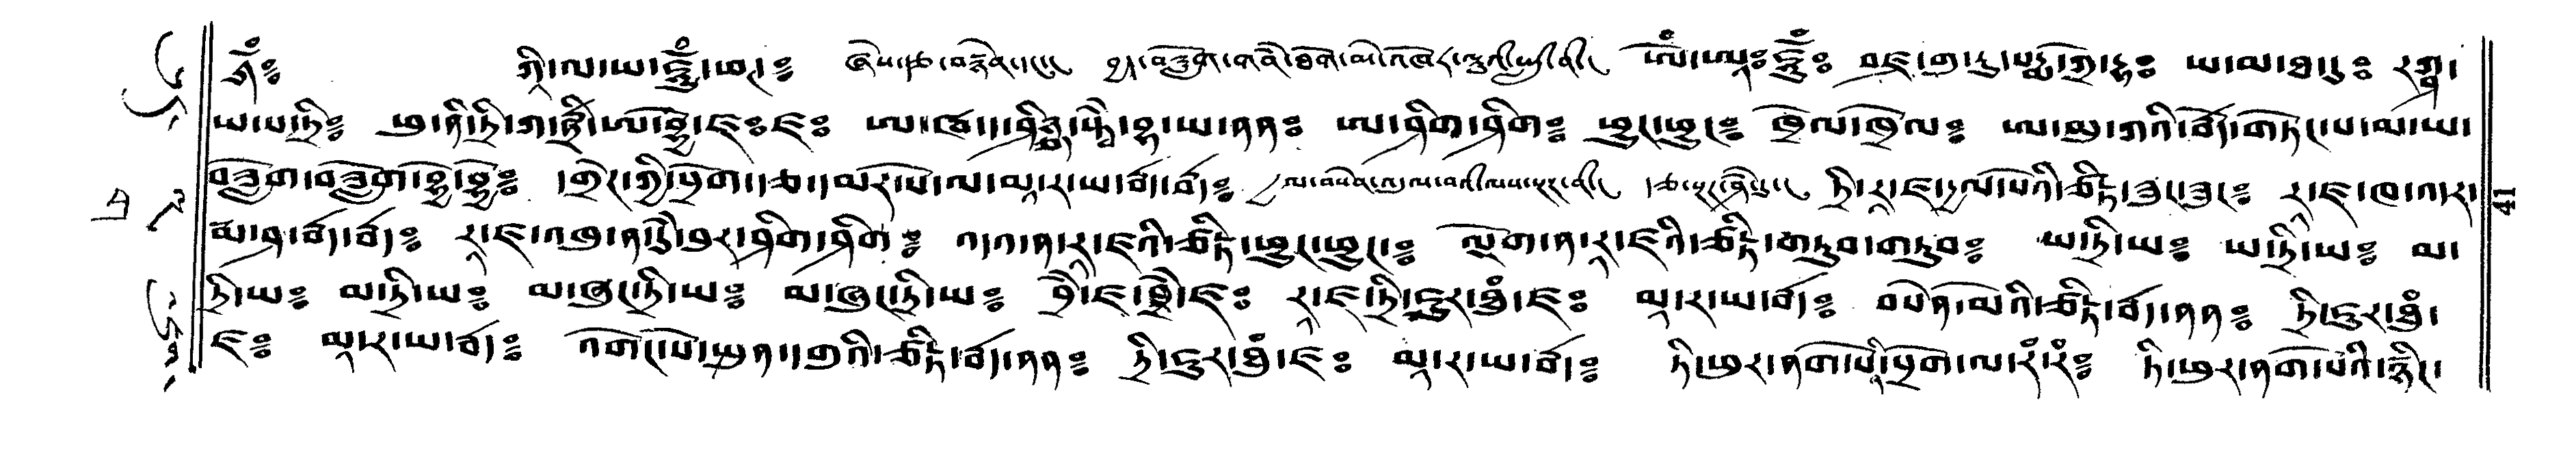ཀཱི་ལ་ཡ་ཧཱུྃ་ཕཊ༔ ཞེས་རྩ་བསྙེན་དང་། བྱད་བཟློག་གནམ་ཐོག་མེ་འཁོར་ལྟ་བུའི་སྤུ་གྲི་ནི།ཨོཾ་ཨཱཿཧཱུྃ༔བཛྲ་གུ་རུ་པདྨ་ཀྲོ་དྷ༔ ཡ་མ་ཐ་དུཿ རཀྴ་
ཡ་པ་ཏྲི༔ ཕུ་ནི་ཏྲི་ཀ་དྷྲི་ཨ་བྷྱོ་ཛཿཛཿ ཨ་ཝ་ད་རིཉྩ་སྟྭྃ་བྷ་ཡ་ནནཿ ཨ་ཤིག་ཤིག༔ ཕྱུང་ཕྱུང༔ ཁྲོལ་ཁྲོལ༔ ཨ་མུ་ཀའི་རྦོད་གཏོང་ས་མ་ཡ་
ཟློག་ཟློག་བྷྱོ་བྷྱོ༔ དགྲ་བགེགས་ཀྱི་སྲོག་རྩ་དམར་པོ་ལ་མཱ་ར་ཡ་རྦད་རྦད༔ རྒྱལ་བསེན་འདུལ་བའི་ལས་སྔགས་ནི། རྩ་སྔགས་ཤམ་དུ། ཏྲི་རཱ་ཛ་རྒྱལ་པོའི་ཙིཏྟ་ཟུང་ཟུང༔ རཱ་ཛ་ཁ་འདར་
སྨ་ཤ་རྦད་རྦད༔ རཱ་ཛ་འཁུ་ན་དུམ་བུར་ཤིག་ཤིག༔ འདའ་ན་རཱ་ཛའི་ཙིཏྟ་ཕྱུང་ཕྱུང༔ ལྡོག་ན་རཱ་ཛའི་ཙིཏྟ་གཏུབ་གཏུབ༔ ཡ་ཏྲི་ཡ༔ ཡ་ཏྲི་ཡ༔ མ་ཏྲི་ཡ༔ མ་
ཏྲི་ཡ༔ མ་ཞུགས་ཏྲི་ཡ༔ མ་ཞུགས་ཏྲི་ཡ༔ བྲཾ་ཛ་བྲཾ་ཛ༔ རཱ་ཛ་ཏྲི་ཧུར་ཐུམ་ཛ༔ མཱ་ར་ཡ་རྦད༔ བསེན་མོའི་ཙིཏྟ་རྦད་ནན༔ ཏྲི་ཧུར་ཐུམ་
ཛ༔ མཱ་ར་ཡ་རྦད༔ འགོང་པོ་སྤུན་དགུའི་ཙིཏྟ་རྦད་ནན༔ ཏྲི་ཧུར་ཐུམ་ཛ༔ མཱ་ར་ཡ་རྦད༔ ཏི་ཕུར་ནག་པོའི་སྲོག་ལ་རཾ་རཾ༔ ཏི་ཕུར་ནག་པོ་སྙིང་